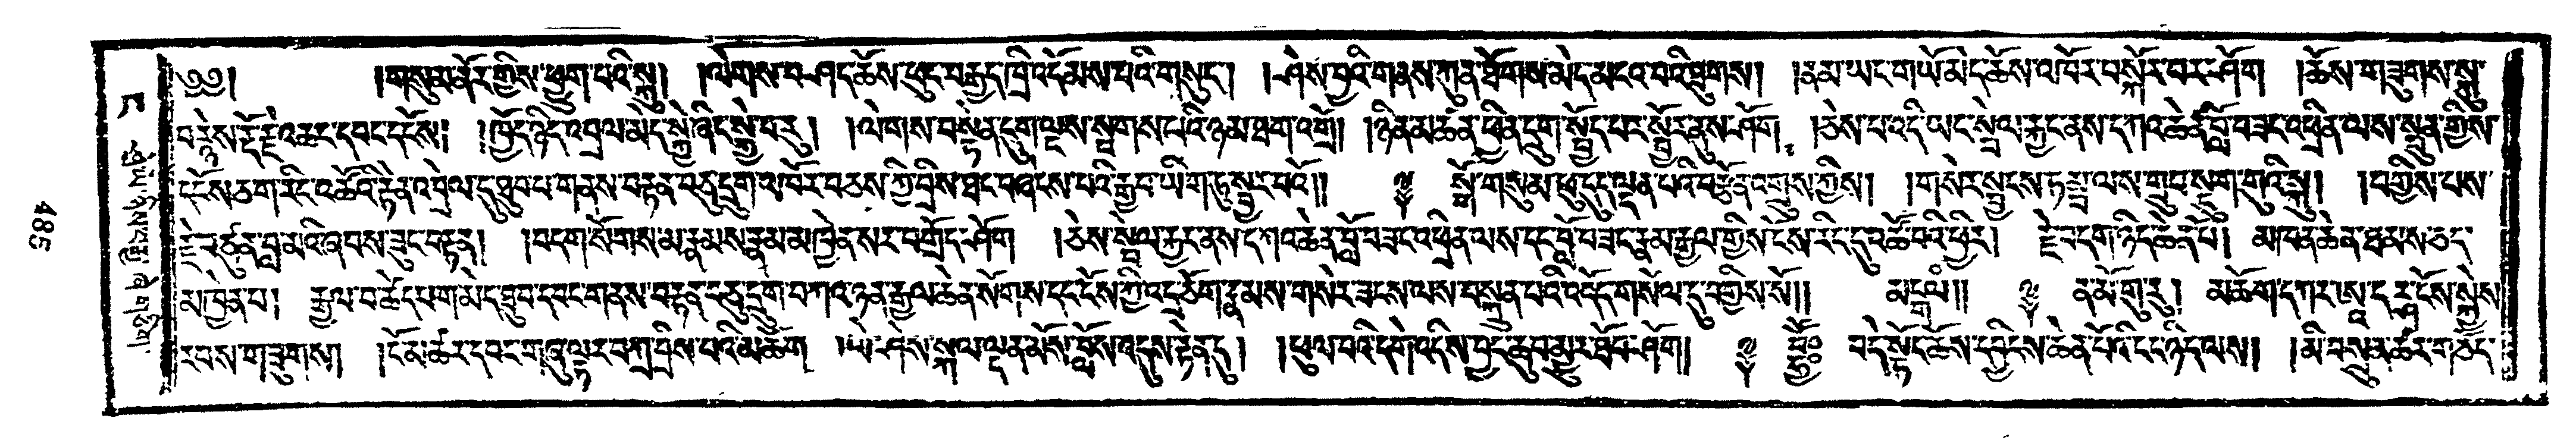༄༅། །གསུམ་ནོར་གྱིས་ཕྱུག་པའི་སྐུ། །ལེགས་བཤད་ཆོས་ཕུང་བརྒྱད་ཁྲི་འདོམས་པའི་གསུང་། །ཤེས་བྱའི་གནས་ཀུན་ཐོགས་མེད་མངའ་བའི་ཐུགས། །ནམ་ཡང་གཡོ་མེད་ཆོས་འཁོར་བསྐོར་བར་ཤོག །ཆོས་གཟུགས་སྐུ་
བརྙེས་རྡོ་རྗེ་འཆང་དབང་དངོས། །ཁྱོད་ཉིད་འབྲལ་མེད་སྐྱེ་ཞིང་སྐྱེ་བ་རུ། །ལེགས་བསྟེན་དུག་ལྔས་སྦགས་པའི་ཉམ་ཐག་འགྲོ། །ཉིན་མཚན་ཕྱིན་དྲུག་སྤྱོད་པར་སྦྱོར་ནུས་ཤོག །ཅེས་པ་འདི་ཡང་སྤེལ་རྐྱང་ནས་དཀའ་ཆེན་བློ་བཟང་འཕྲིན་ལས་སྦུན་གྱིས་
དངོས་ཅག་རིང་འཚོའི་རྟེན་འབྲེལ་དུ་ཐུབ་པ་གནས་བརྟན་བཅུ་དྲུག་འཁོར་བཅས་ཀྱི་བྲིས་ཐང་བཞེངས་པའི་རྒྱབ་ཡིག་ཏུ་སྦྱར་བའོ།། ༈ སྒོ་གསུམ་ཕུ་དུད་ལྡན་པའི་བརྩོན་འགྲུས་ཀྱིས། །གསེར་སྦྱངས་ཏམ་ལས་གྲུབ་སྡུག་གུའི་སྐུ། །བགྱིས་པས་
རྗེ་བཙུན་བླ་མའི་ཞབས་ཟུང་བརྟན། །བདག་སོགས་མ་རྣམས་རྣམ་མཁྱེན་སར་བགྲོད་ཤོག །ཅེས་སྦེལ་རྐྱང་ནས་དཀའ་ཆེན་བློ་བཟང་འཕྲིན་ལས་དང་བློ་བཟང་རྣམ་རྒྱལ་གྱིས་ངོས་རིང་དུ་འཚོ་བའི་ཕྱིར། རྗེ་བདག་ཉིད་ཆེན་པོ། མཁན་ཆེན་ཐམས་ཅད་
མཁྱེན་པ། རྒྱལ་བ་ཚེ་དཔག་མེད་ཐུབ་དབང་གནས་བརྟན་བཅུ་དྲུག་བཀའ་ཉན་རྒྱལ་ཆེན་སོགས་དང་ངོས་ཀྱི་འདྲ་ཅོག་རྣམས་གསེར་ཟངས་ལས་བསྐྲུན་པའི་འདོད་གསོལ་དུ་བགྱིས་སོ།། མངྒལཾ།། ༈ ན་མོ་གུ་རུ། མཆོག་དཀར་ཨཱ་དརྴ་ངོས་སྐྱེས་
རབས་གཟུགས། །ངོ་མཚར་དབང་གཞུ་ལྟར་བཀྲ་བྲིས་པའི་མཆོག །ཡེ་ཤེས་སྐལ་ལྡན་མོས་བློས་འདུས་རྟེན་དུ། །ཕུལ་བའི་དགེ་འདིས་བྱང་ཆུབ་མྱུར་ཐོབ་ཤོག། ༈ བྷྱོཿབདེ་སྟོང་ཆོས་དབྱིངས་ཆེན་པོའི་ངང་ཉིད་ལས། །མི་བསྲུན་ཚར་གཅོད་